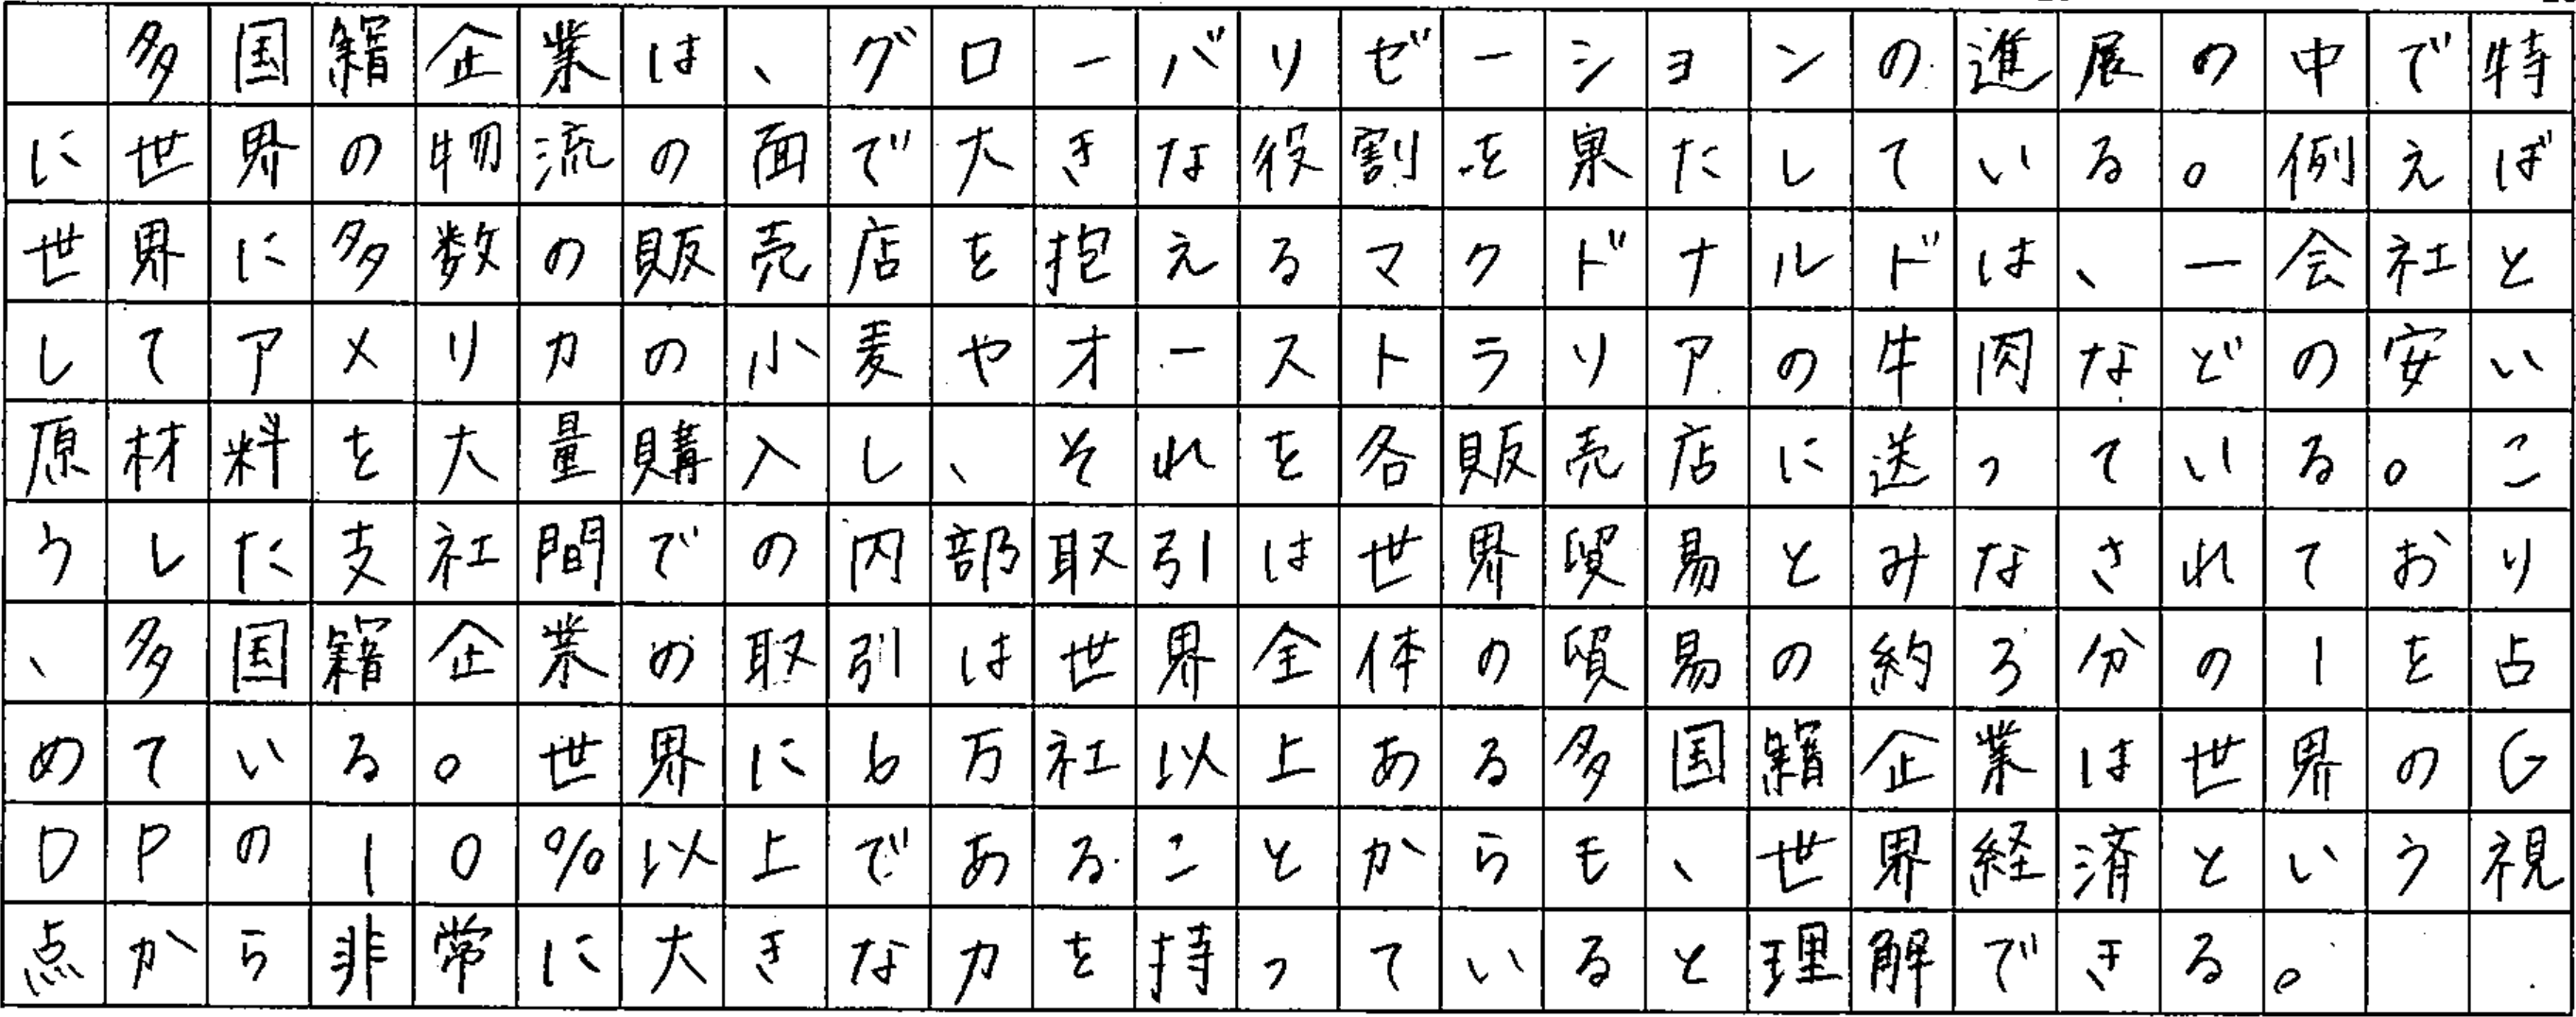　多国籍企業は、グローバリゼーションの進展の中で特に世界の物流の面で大きな役割を果たしている。例えば世界に多数の販売店を抱えるマクドナルドは、一会社としてアメリカの小麦やオーストラリアの牛肉などの安い原材料を大量購入し、それを各販売店に送っている。こうした支社間での内部取引は世界貿易とみなされており、多国籍企業の取引は世界全体の貿易の訳３分の１を占めている。世界に６万社以上ある多国籍企業は世界のＧＤＰの１０％以上であることからも、世界経済という視点から非常に大きな力を持っていると理解できる。
